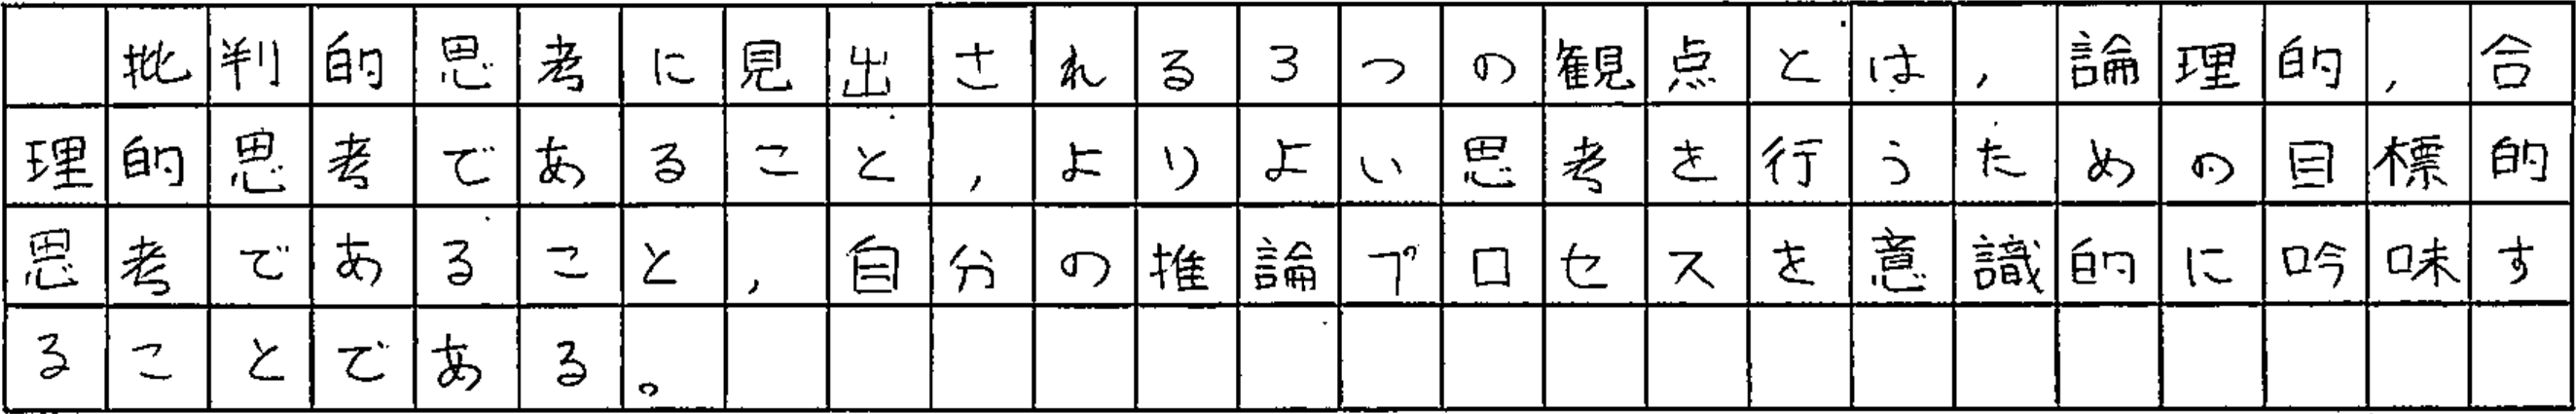　批判的思考に見出される３つの観点とは、論理的、合理的思考であること、よりよい思考を行うための目標的思考であること、自分の推論プロセスを意識的に吟味することである。
